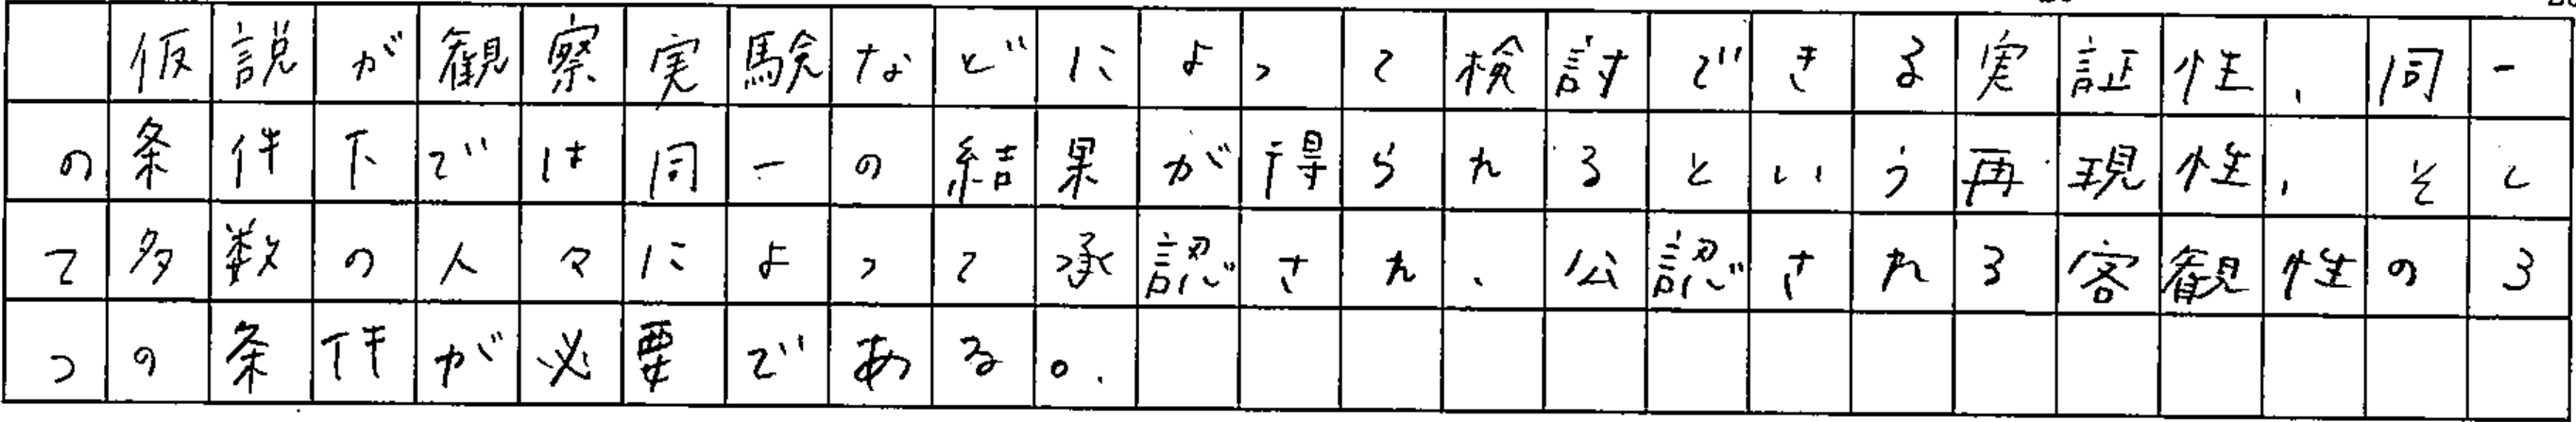　仮説が観察実験などによって検討できる実証性、同一の条件下では同一の結果が得られるという再現性、そして多数の人々によって承認され、公認される客観性の３つの条件が必要である。
